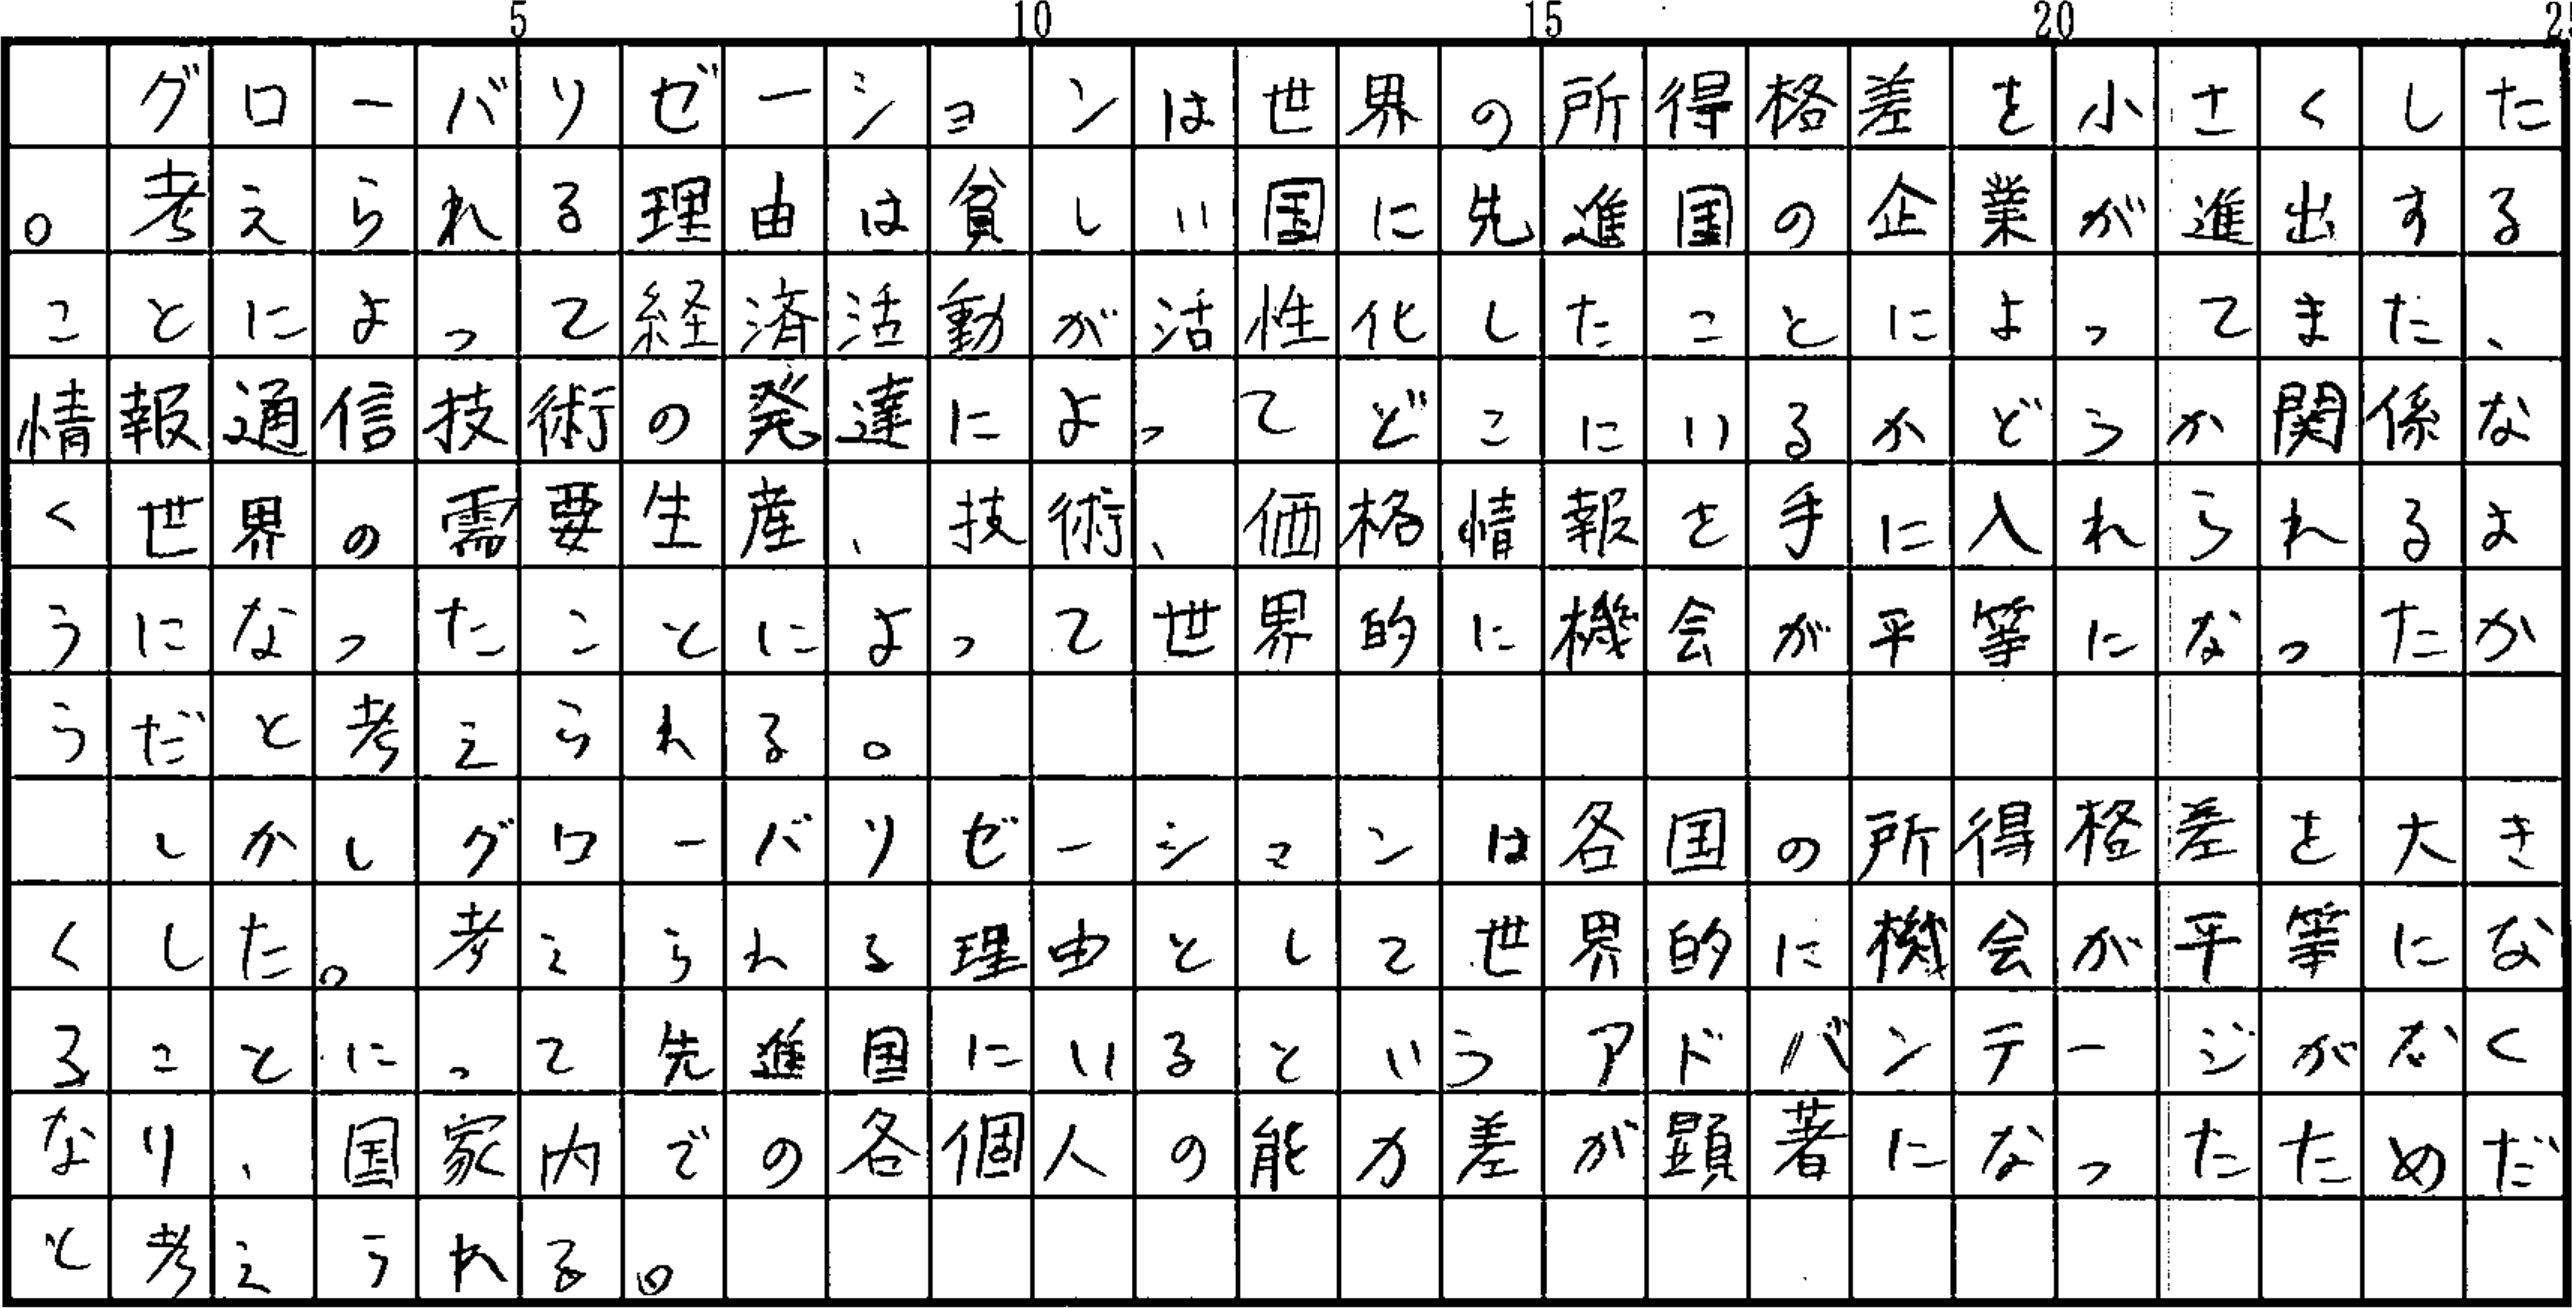　グローバリゼーションは世界の所得格差を小さくした。考えられる理由は貧しい国に先進国の企業が進出することによって経済活動が活性化したことによってまた、情報通信技術の発達によってどこにいるかどうか関係なく世界の需要生産、技術、価格情報を手に入れられるようになったことによって世界的に機会が平等になったからだと考えられる。
　しかしグローバリゼーションは各国の所得格差を大きくした。考えられる理由として世界的に機会が平等になることにって先進国にいるというアドバンテージがなくなり、国家内での各個人の能力差が顕著になったためだと考えられる。
